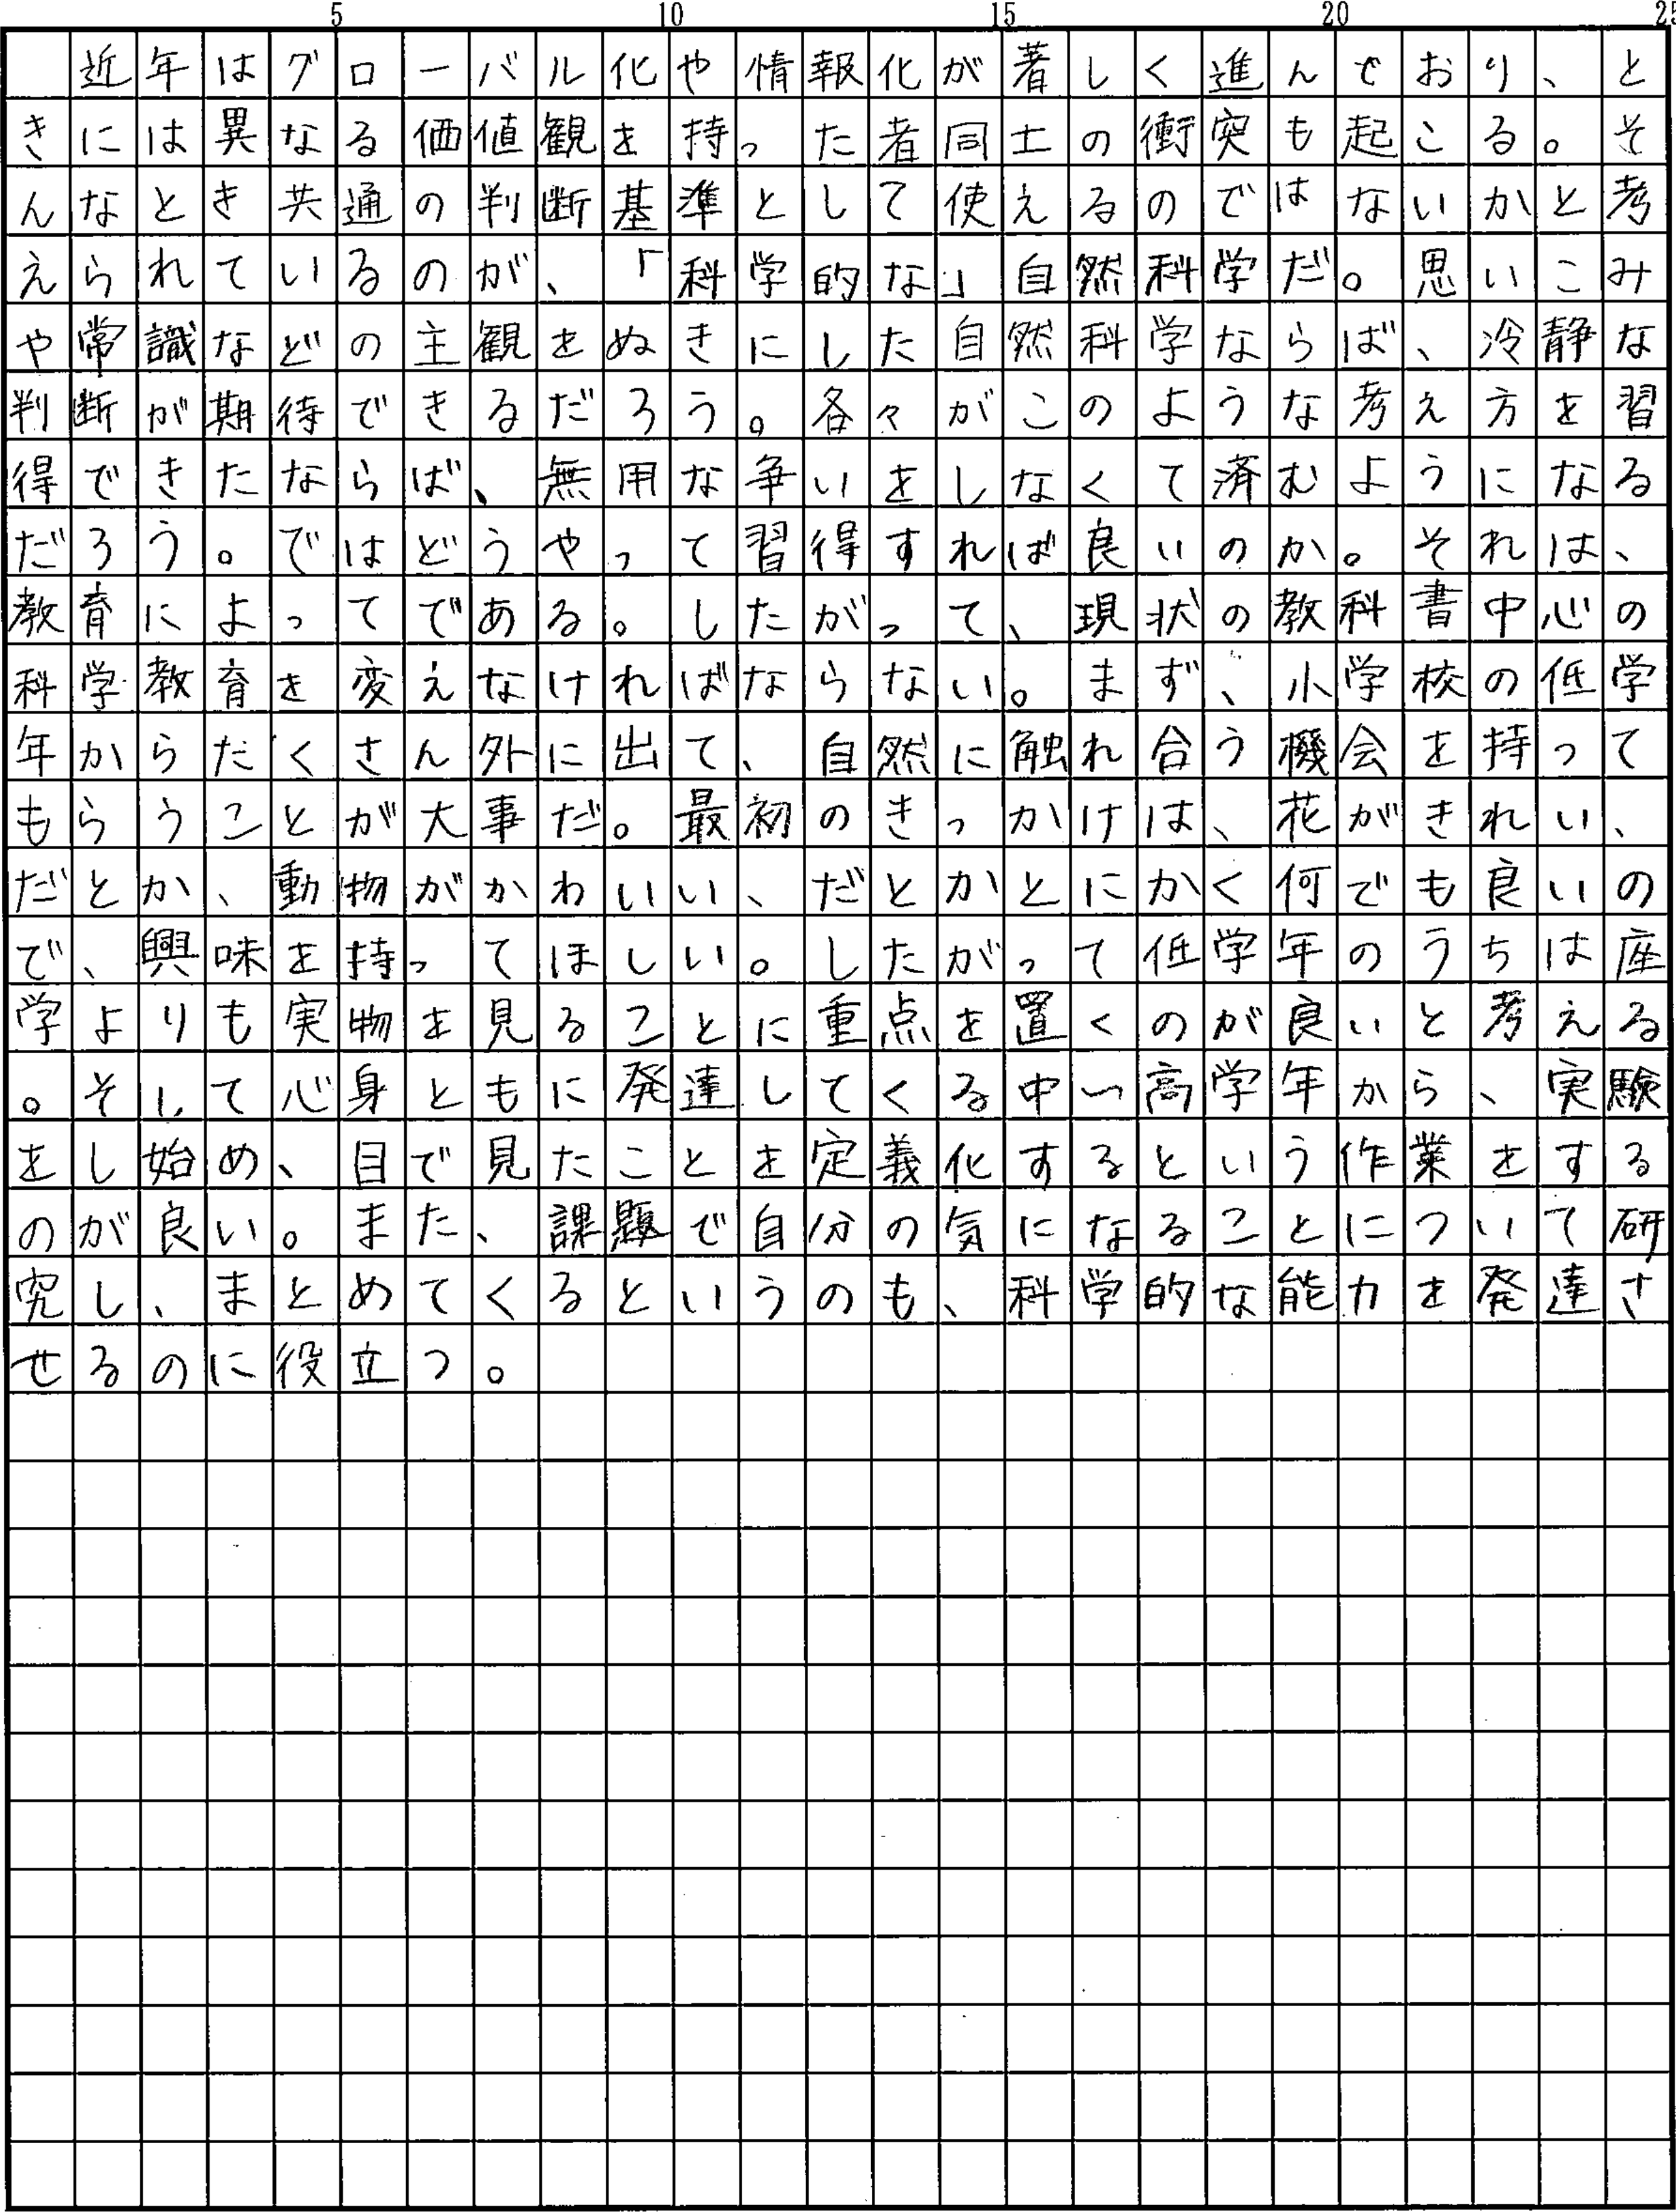　近年はグローバル化や情報化が著しく進んでおり、ときには異なる価値観を持った者同士の衝突も起こる。そんなとき共通の判断基準として使えるのではないかと考えられているのが、「科学的な」自然科学だ。思いこみや常識などの主観をぬきにした自然科学ならば、冷静な判断が期待できるだろう。各々がこのような考え方を習得できたならば、無用な争いをしなくて済むようになるだろう。ではどうやって習得すれば良いのか。それは、教育によってである。したがって、現状の教科書中心の科学教育を変えなければならない。まず、小学校の低学年からたくさん外に出て、自然に触れ合う機会を持ってもらうことが大事だ。最初のきっかけは、花がきれい、だとか、動物がかわいい、だとかとにかく何でも良いので、興味を持ってほしい。したがって低学年のうちは座学よりも実物を見ることに重点を置くのが良いと考える。そして心身ともに発達してくる中～高学年から、実験をし始め、目で見たことを定義化するという作業をするのが良い。また、課題で自分の気になることについて研究し、まとめてくるというのも、科学的な能力を発達させるのに役立つ。
